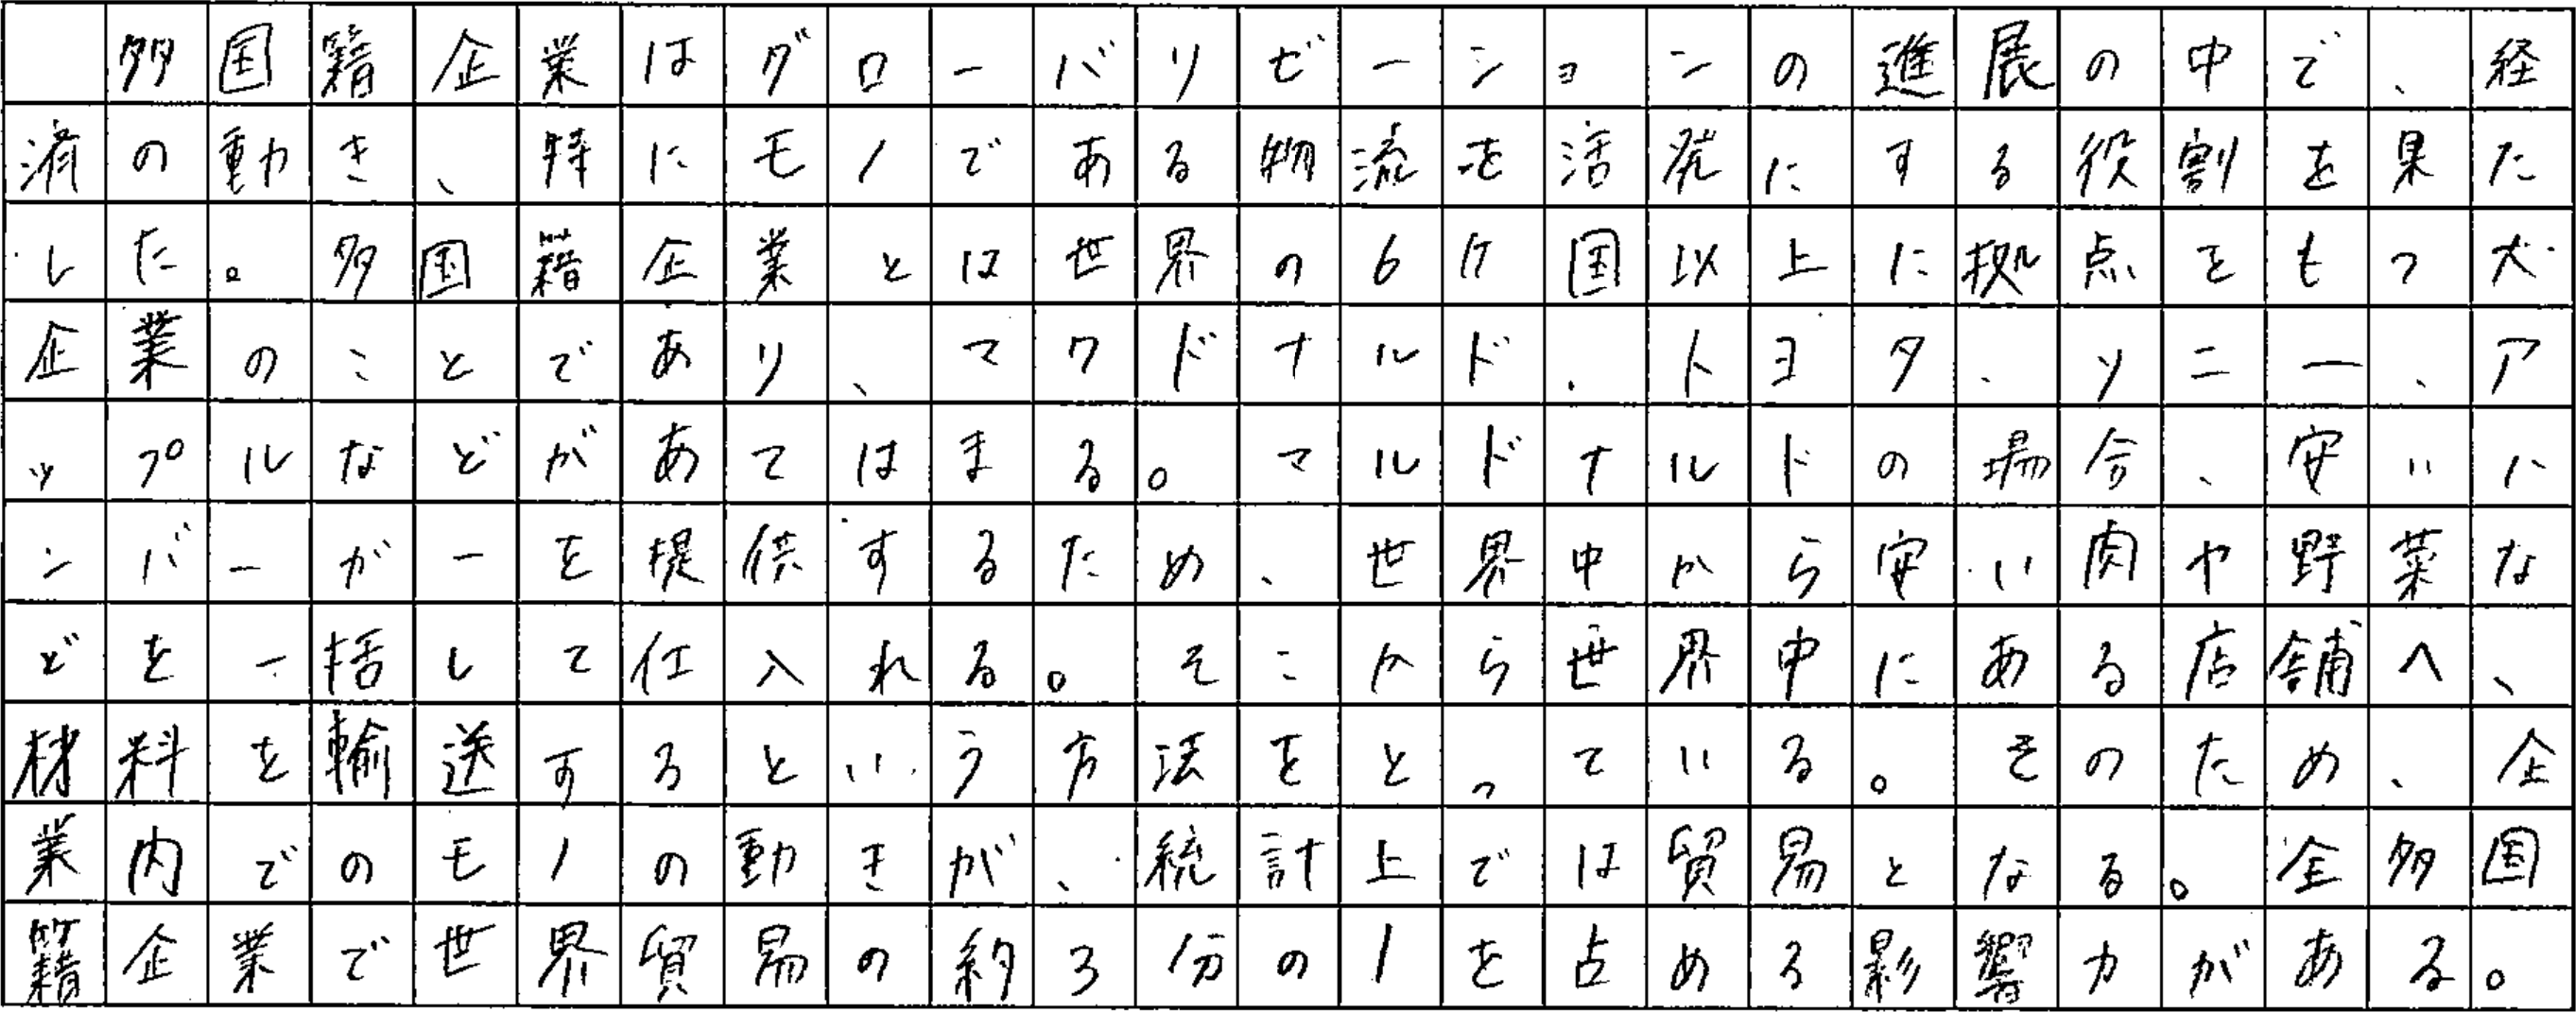　多国籍企業はグローバリゼーションの進展の中で、経済の動き、特にモノである物流を活発にする役割を果たした。多国籍企業とは世界の６ヶ国以上に拠点をもつ大企業のことであり、マクドナルド、トヨタ、ソニー、アップルなどがあてはまる。マルドナルドの場合、安いハンバーガーを提供するため、世界中から安い肉や野菜などを一括して仕入れる。そこから世界中にある店舗へ、材料を輸送するという方法をとっている。そのため、企業内でのモノの動きが、統計上では貿易となる。全多国籍企業で世界貿易の約３分の１を占める影響力がある。
